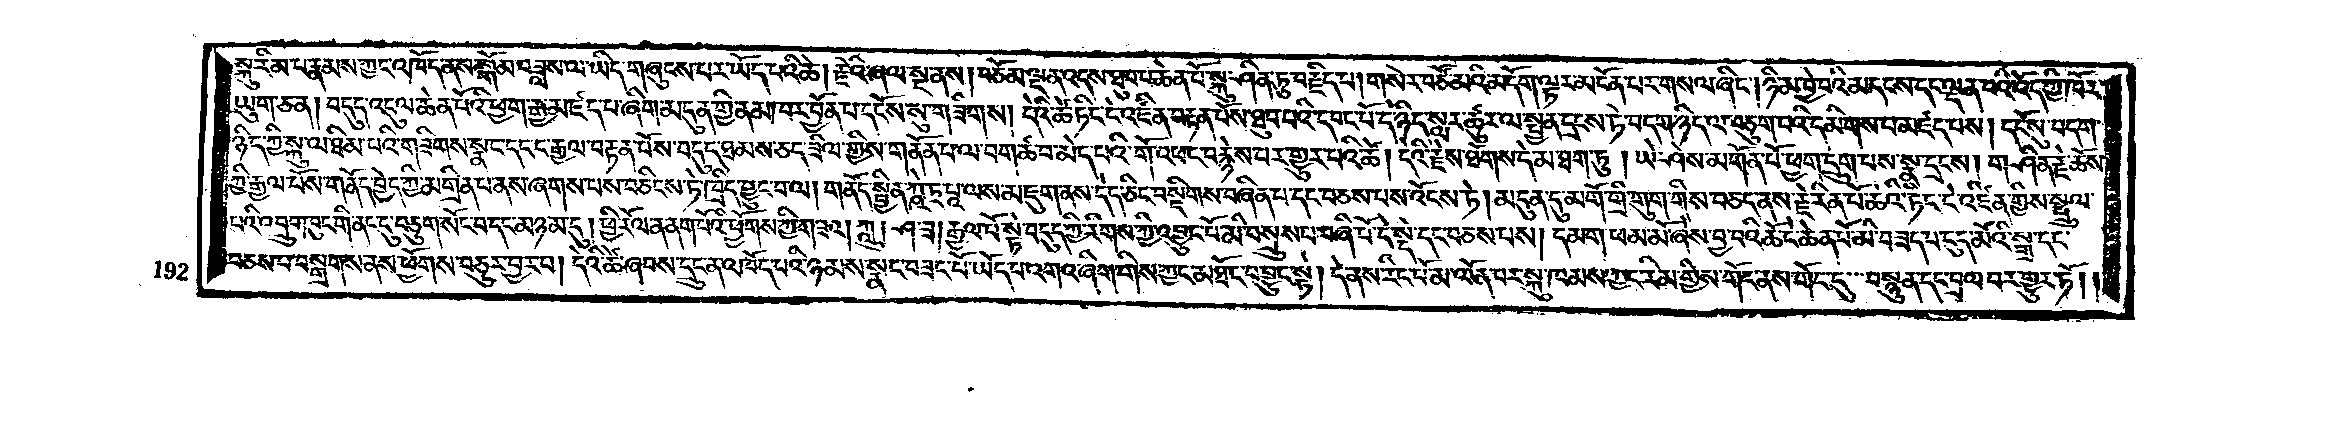སྐུ་རིམ་པ་རྣམས་ཀྱང་འཁོད་ནས་སྒོམ་བཟླས་ལ་ཡིད་གཞུངས་པར་ཡོད་པའི་ཚེ། རྗེའི་ཞལ་སྔ་ནས། བཅོམ་ལྡན་འདས་ཐུབ་པ་ཆེན་པོ་སྐུ་ཤིན་ཏུ་བརྗིད་པ། གསེར་བཙོ་མའི་མདོག་ལྟར་མངོན་པར་གསལ་ཞིང་། ཉི་མ་བྱེ་བའི་མདངས་དང་ལྡན་པའི་འོད་ཀྱི་ཁོར་
ཡུག་ཅན། བདུད་འདུལ་ཆེན་པོའི་ཕྱག་རྒྱ་མཛད་པ་ཞིག་མདུན་གྱི་ནམ་ཁར་བྱོན་པ་དངོས་སུ་གཟིགས། དེའི་ཚེ་ཏིང་ངེ་འཛིན་བརྟན་པོས་ཐུབ་པའི་དབང་པོ་དེ་ཉིད་སླར་ཚུར་ལ་སྤྱན་དྲངས་ཏེ་བདག་ཉིད་ལ་བཅུག་པའི་དམིགས་པ་མཛད་པས། དངོས་སུ་བདག་
ཉིད་ཀྱི་སྐུ་ལ་ཐིམ་པའི་གཟིགས་སྣང་དང་ང་རྒྱལ་བརྟན་པོས་བདུད་ཐམས་ཅད་ཟིལ་གྱིས་གནོན་པ་ལ་བག་ཚ་བ་མེད་པའི་གོ་འཕང་བརྙེས་པར་གྱུར་པའི་ཚེ། དེའི་རྗེས་ཐོགས་དེ་མ་ཐག་ཏུ། ཡེ་ཤེས་མགོན་པོ་ཕྱག་དྲུག་པས་སྣ་དྲངས། གཤིན་རྗེ་ཆོས་
ཀྱི་རྒྱལ་པོས་གནོད་བྱེད་ཀྱི་མགྲིན་པ་ནས་ཞགས་པས་བཅིངས་ཏེ་ཁྲིད་བྱུང་བ་ལ། གནོད་སྦྱིན་ཀྵི་ཏྲ་པཱ་ལས་མཇུག་ནས་དེད་ཅིང་བསྡིགས་བཞིན་པ་དང་བཅས་པས་འོངས་ཏེ། མདུན་དུ་མགོ་གྲི་གུག་གིས་བཅད་ནས་རྗེ་རིན་པོ་ཆེའི་ཏིང་ངེ་འཛིན་གྱིས་སྤྲུལ་
པའི་འབྲུག་ཁུང་གི་ནང་དུ་བཅུག་སོང་བ་དང་མཉམ་དུ། ཕྱི་རོལ་ན་ནག་པོའི་ཕྱོགས་ཀྱི་གཟའ། ཀླུ། ཤ་ཟ། རྒྱལ་པོ་སྟེ་བདུད་ཀྱི་རིགས་ཀྱི་འབྱུང་པོ་མི་བསྲུས་པ་བཞི་པོ་དེ་སྡེ་དང་བཅས་པས། དམག་ཕམ་མོ་ཞེས་བྱ་བའི་ཚེ་དེ་ཆེན་པོ་མི་བཟད་པ་ངུད་མོའི་སྒྲ་དང་
བཅས་པ་བསྒྲགས་ནས་ཕྱོགས་བཅུར་བྱར་བ། དེའི་ཚེ་ཞབས་དྲུང་ན་འཁོད་པའི་ཉམས་སྣང་བཟང་པོ་ཡོད་པ་འགའ་ཞིག་གིས་ཀྱང་མཐོང་བ་བྱུང་སྟེ། དེ་ནས་རིང་པོ་མ་ལོན་པར་སྐུ་ཁམས་ཀྱང་རིམ་གྱིས་གོང་ནས་གོང་དུ་བསྙུན་དང་བྲལ་བར་གྱུར་ཏོ། །